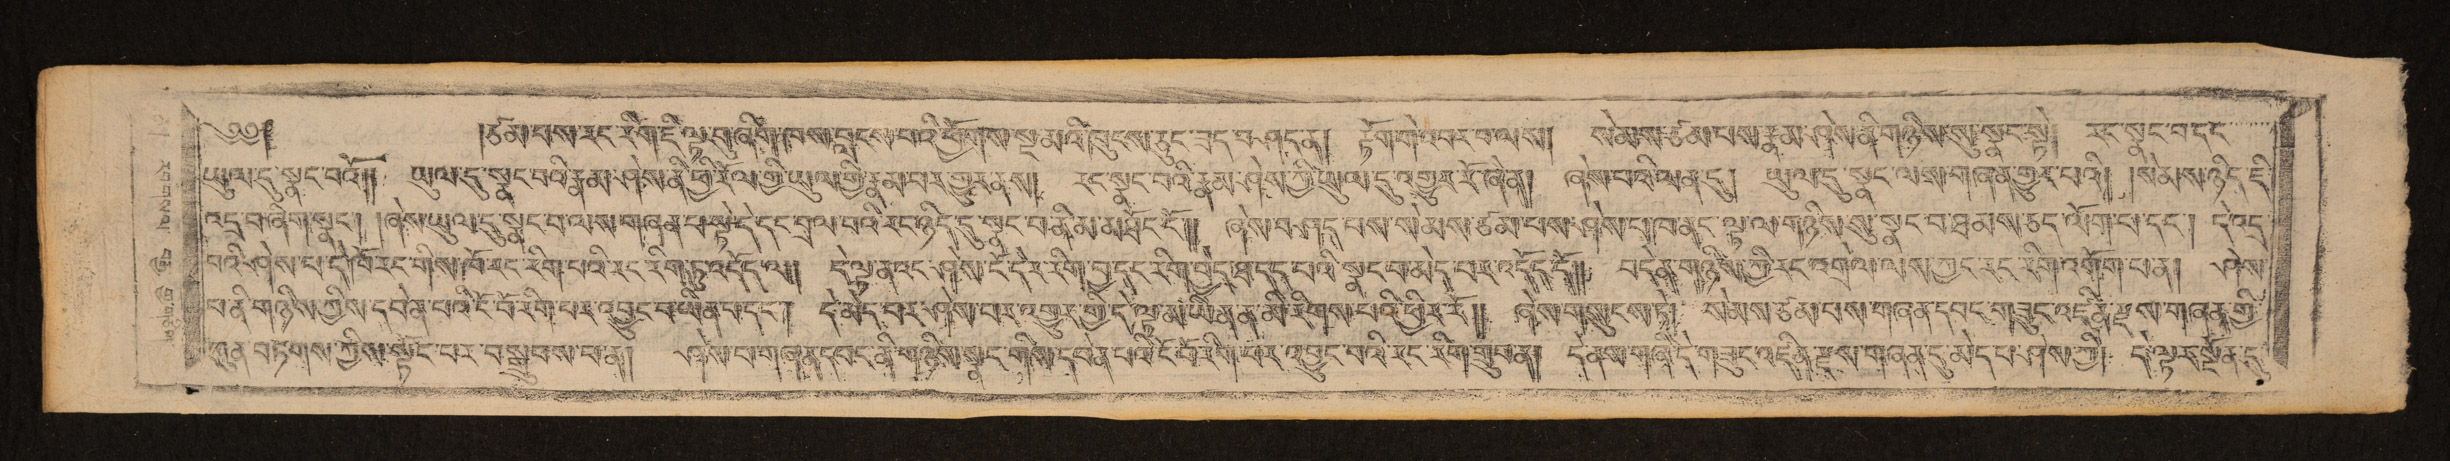༄༅། །ཙམ་པས་རང་རིག་ཇི་ལྟ་བུ་ཞིག་ཁས་བླངས་པའི་ཕྱོགས་སྔ་མའི་ཁུངས་ཅུང་ཟད་བཤད་ན། རྟོག་གེ་འབར་བ་ལས། སེམས་ཙམ་པས་རྣམ་ཤེས་ནི་གཉིས་སུ་སྣང་སྟེ། རང་སྣང་བ་དང་
ཡུལ་དུ་སྣང་བའོ།། ཡུལ་དུ་སྣང་བའི་རྣམ་ཤེས་ནི་ཕྱི་རོལ་གྱི་ཡུལ་གྱི་རྣམ་པར་གྱུར་ནས། རང་སྣང་བའི་རྣམ་ཤེས་ཀྱི་ཡུལ་དུ་འགྱུར་རོ་ཞེ་ན། ཞེས་པའི་ལན་དུ། ཡུལ་དུ་སྣང་ལས་གཞན་གྱུར་པའི། །སེམས་ཉིད་ཇི་
འདྲ་བ་ཞིག་སྣང་། །ཞེས་ཡུལ་དུ་སྣང་བ་ལས་གཞན་པ་སྟེ་དེ་དང་བྲལ་བའི་རང་ཉིད་དུ་སྣང་བ་ནི་མ་མཐོང་ངོ།། ཞེས་བཤད་པས་སེམས་ཙམ་པས་ཤེས་པ་ཁ་ནང་ལྟ་ལ་གཉིས་སུ་སྣང་བ་ཐམས་ཅད་ལོག་པ་དང་། དེ་འདྲ་
བའི་ཤེས་པ་དེ་ཁོ་རང་གིས་ཁོ་རང་རིག་པའི་རང་རིག་ཏུ་འདོད་ལ། དེ་ལྟ་ནའང་ཤེས་ངོ་དེར་རིག་བྱ་དང་རིག་བྱེད་ཐ་དད་པའི་སྣང་བ་མེད་པར་འདོད་དོ།། བདེན་གཉིས་ཀྱི་རང་འགྲེལ་ལས་ཀྱང་རང་རིག་འགོག་པ་ན། ཤེས་
པ་ནི་གཉིས་ཀྱིས་དབེན་པའི་ངོ་བོ་རིག་པར་འབྱུང་བ་ཡིན་པ་དང་། དེ་མེད་པར་ཤེས་པར་འགྱུར་གྱི་དེ་ལྟ་མ་ཡིན་ན་མི་རིགས་པའི་ཕྱིར་རོ།། ཞེས་གསུངས་ཏེ། སེམས་ཙམ་པས་གཞན་དབང་གཟུང་འཛིན་རྫས་གཞན་གྱི་
ཀུན་བརྟགས་ཀྱིས་སྟོང་པར་བསྒྲུབས་པ་ན། ཤེས་པ་གཞན་དབང་ནི་གཉིས་སྣང་གིས་དབེན་པའི་ངོ་བོ་རིག་པར་འབྱུང་བའི་རང་རིག་གྲུབ་ན། དེ་ནས་གཞི་དེ་གཟུང་འཛིན་རྫས་གཞན་དུ་མེད་པ་ཤེས་ཀྱི། དེ་ལྟར་སྔོན་དུ་